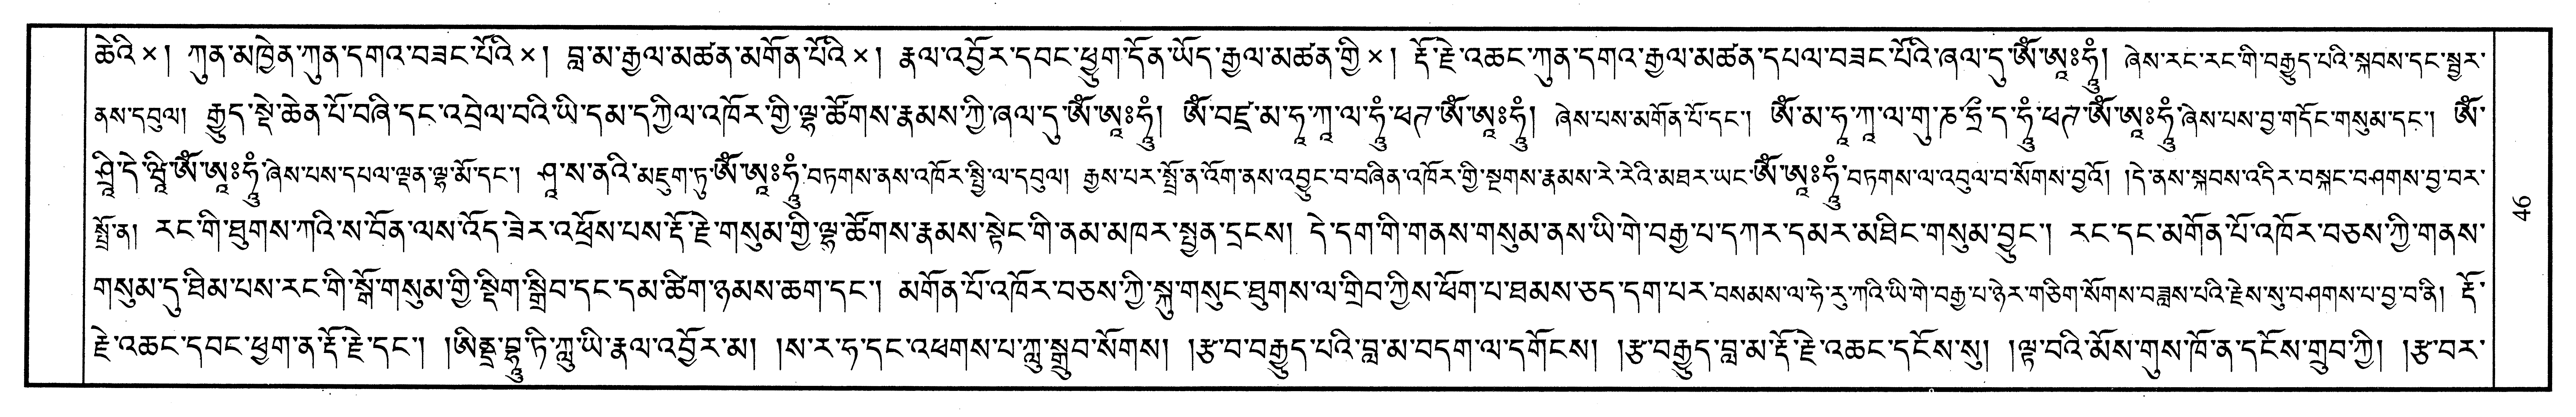ཆེའི་྾། ཀུན་མཁྱེན་ཀུན་དགའ་བཟང་པོའི་྾། བླ་མ་རྒྱལ་མཚན་མགོན་པོའི་྾། རྣལ་འབྱོར་དབང་ཕྱུག་དོན་ཡོད་རྒྱལ་མཚན་གྱི་྾། རྡོ་རྗེ་འཆང་ཀུན་དགའ་རྒྱལ་མཚན་དཔལ་བཟང་པོའི་ཞལ་དུ་ཨོཾ་ཨཱཿཧཱུཾ། ཞེས་རང་རང་གི་བརྒྱུད་པའི་སྐབས་དང་སྦྱར་
ནས་དབུལ། རྒྱུད་སྡེ་ཆེན་པོ་བཞི་དང་འབྲེལ་བའི་ཡི་དམ་དཀྱིལ་འཁོར་གྱི་ལྷ་ཚོགས་རྣམས་ཀྱི་ཞལ་དུ་ཨོཾ་ཨཱཿཧཱུཾ། ཨོཾ་བཛྲ་མ་ཧཱ་ཀཱ་ལ་ཧཱུཾ་ཕཊ་ཨོཾ་ཨཱཿཧཱུཾ། ཞེས་པས་མགོན་པོ་དང་། ཨོཾ་མ་ཧཱ་ཀཱ་ལ་གུ་ཎ་ཧྲྀ་ད་ཧཱུཾ་ཕཊ་ཨོཾ་ཨཱཿཧཱུཾ་ཞེས་པས་བྱ་གདོང་གསུམ་དང་། ཨོཾ་
ཤྲཱི་དེ་ཝཱི་ཨོཾ་ཨཱཿཧཱུཾ་ཞེས་པས་དཔལ་ལྡན་ལྷ་མོ་དང་། ཤཱ་ས་ནའི་མཇུག་ཏུ་ཨོཾ་ཨཱཿཧཱུཾ་བཏགས་ནས་འཁོར་སྤྱི་ལ་དབུལ། རྒྱས་པར་སྤྲོ་ན་འོག་ནས་འབྱུང་བ་བཞིན་འཁོར་གྱི་སྔགས་རྣམས་རེ་རེའི་མཐར་ཡང་ཨོཾ་ཨཱཿ ཧཱུཾ་བཏགས་ལ་འབུལ་བ་སོགས་བྱའོ། །དེ་ནས་སྐབས་འདིར་བསྐང་བཤགས་བྱ་བར་
སྤྲོ་ན། རང་གི་ཐུགས་ཀའི་ས་བོན་ལས་འོད་ཟེར་འཕྲོས་པས་རྡོ་རྗེ་གསུམ་གྱི་ལྷ་ཚོགས་རྣམས་སྟེང་གི་ནམ་མཁར་སྤྱན་དྲངས། དེ་དག་གི་གནས་གསུམ་ནས་ཡི་གེ་བརྒྱ་པ་དཀར་དམར་མཐིང་གསུམ་བྱུང་། རང་དང་མགོན་པོ་འཁོར་བཅས་ཀྱི་གནས་
གསུམ་དུ་ཐིམ་པས་རང་གི་སྒོ་གསུམ་གྱི་སྡིག་སྒྲིབ་དང་དམ་ཚིག་ཉམས་ཆག་དང་། མགོན་པོ་འཁོར་བཅས་ཀྱི་སྐུ་གསུང་ཐུགས་ལ་གྲིབ་ཀྱིས་ཕོག་པ་ཐམས་ཅད་དག་པར་བསམས་ལ་ཧེ་རུ་ཀའི་ཡི་གེ་བརྒྱ་པ་ཉེར་གཅིག་སོགས་བཟླས་པའི་རྗེས་སུ་བཤགས་པ་བྱ་བ་ནི། རྡོ་
རྗེ་འཆང་དབང་ཕྱག་ན་རྡོ་རྗེ་དང་། ཨིནྡྲ་བྷཱུ་ཏི་ཀླུ་ཡི་རྣལ་འབྱོར་མ། །ས་ར་ཧ་དང་འཕགས་པ་ཀླུ་སྒྲུབ་སོགས། །རྩ་བ་བརྒྱུད་པའི་བླ་མ་བདག་ལ་དགོངས། །རྩ་བརྒྱུད་བླ་མ་རྡོ་རྗེ་འཆང་དངོས་སུ། །ལྟ་བའི་མོས་གུས་ཁོ་ན་དངོས་གྲུབ་ཀྱི། །རྩ་བར་